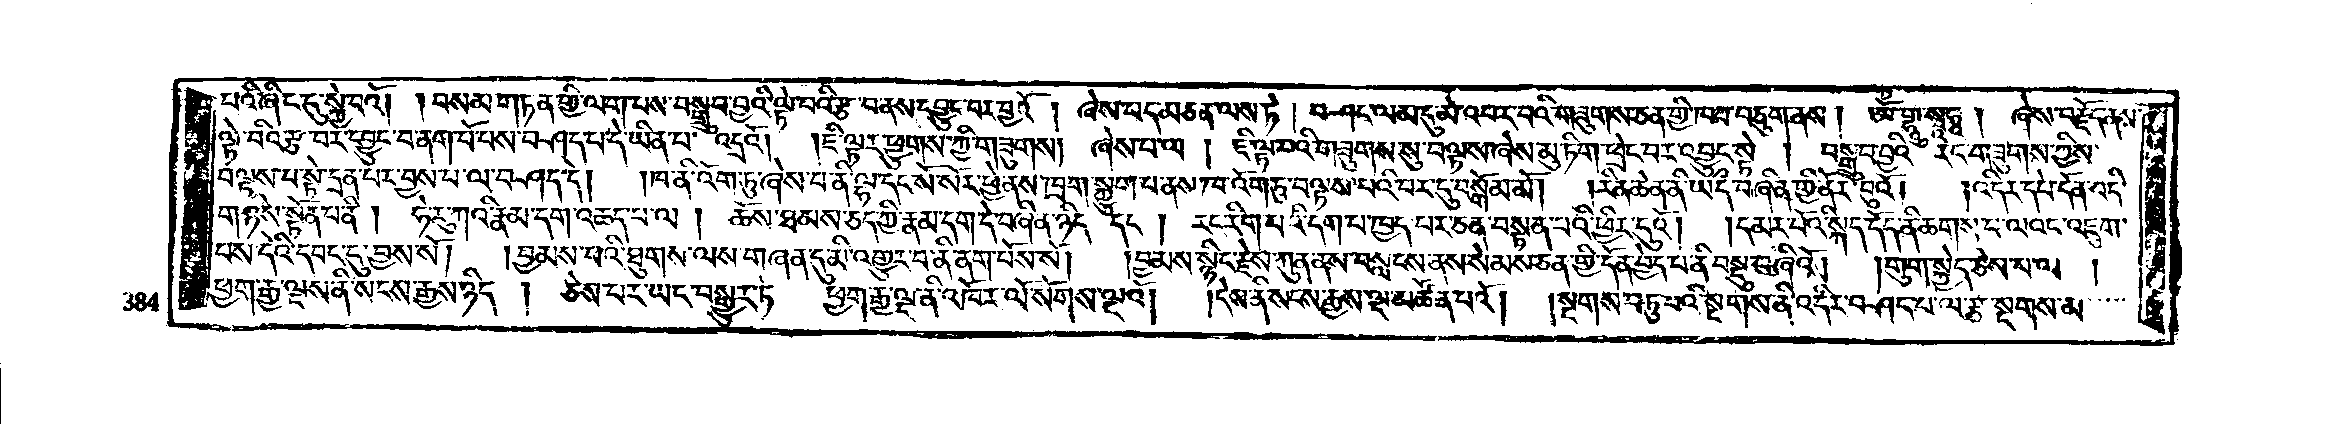པའི་ཞིང་དུ་སྐྱེ་བའོ། །བསམ་གཏན་གྱི་ལག་པས་བསྒྲུབ་བྱའི་ལྟེ་བའི་རྩ་བ་ནས་དབྱུང་བར་བྱའོ། །ཞེས་པད་མ་ཅན་ལས་ཏེ། བཤད་?་ལམ་དུ་མེ་འབར་བའི་གཟུགས་ཅན་གྱི་ཁབ་བཅུག་ནས། ཨོཾ་གྷཱུ་སྭཱཧཱ། ཞེས་བརྗོད་ནས་
ལྟེ་བའི་རྩ་བར་དབྱུང་བ་ནག་པོ་པས་བཤད་པ་དེ་ཡིན་པ་འདྲའོ། །ཇི་ལྟར་ཕྱུགས་ཀྱི་གཟུགས། ཞེས་པ་ལ། ཇི་ལྟ་བའི་གཟུགས་སུ་བལྟས་ཞེས་མུ་ཏིག་ཕྲེང་བར་འབྱུང་སྟེ། བསྒྲུབ་བྱའི་རང་གཟུགས་ཀྱིས་
བལྟས་པ་སྟེ་དྲན་པར་བྱས་པ་ལས་བཤད་དེ། ཁ་ནི་འོག་ཏུ་ཞེས་པ་ནི་ལྷ་དང་སོ་སོར་ཕྱེ་ནས་ཁྲག་སྐྱུག་པ་ནས་ཁ་འོག་ཏུ་བལྟས་པའི་བར་དུ་བསྒོམ་མོ། །རིན་ཆེན་ནི་ཡིད་བཞིན་གྱི་ནོར་བུའོ། །འདིར་དཔེ་དོན་འདི་
གཉིས་སྟོན་པ་ནི། ཧེ་རུ་ཀའི་རྣམ་དག་འཆད་པ་ལ། ཆོས་ཐམས་ཅད་ཀྱི་རྣམ་དག་དེ་བཞིན་ཉིད་དང་། རང་རིག་པའི་དག་པ་ཁྱད་པར་ཅན་བསྟན་པའི་ཕྱིར་དུའོ། །དམར་པོའི་སྐད་དོན་ནི་ཆགས་པ་ལའང་འཇུག་
པས་དེའི་དབང་དུ་བྱས་སོ། །བྱམས་པའི་ཐུགས་ལས་གཞན་དུ་མི་འགྱུར་བ་ནི་ནག་པོས་སོ། །བྱམས་སྙིང་རྗེས་ཀུན་ནས་བསླངས་ནས་སེམས་ཅན་གྱི་དོན་བྱེད་པ་ནི་བསྡུ་བཞིའོ། །གུག་སྐྱེད་ཅེས་པ་ལ།
ཕྱག་རྒྱ་ལྔས་ནི་སངས་རྒྱས་ཉིད། ཅེས་པར་ཡང་བསྒྱུར་ཏེ། ཕྱག་རྒྱ་ལྔ་ནི་འཁོར་ལོ་སོགས་ལྔའོ། །དེས་ནི་སངས་རྒྱས་ལྔ་མཚོན་པའོ། །སྔགས་བཏུ་པའི་སྔགས་ནི་འདིར་བཤད་པ་ལ་རྩ་སྔགས་མ་